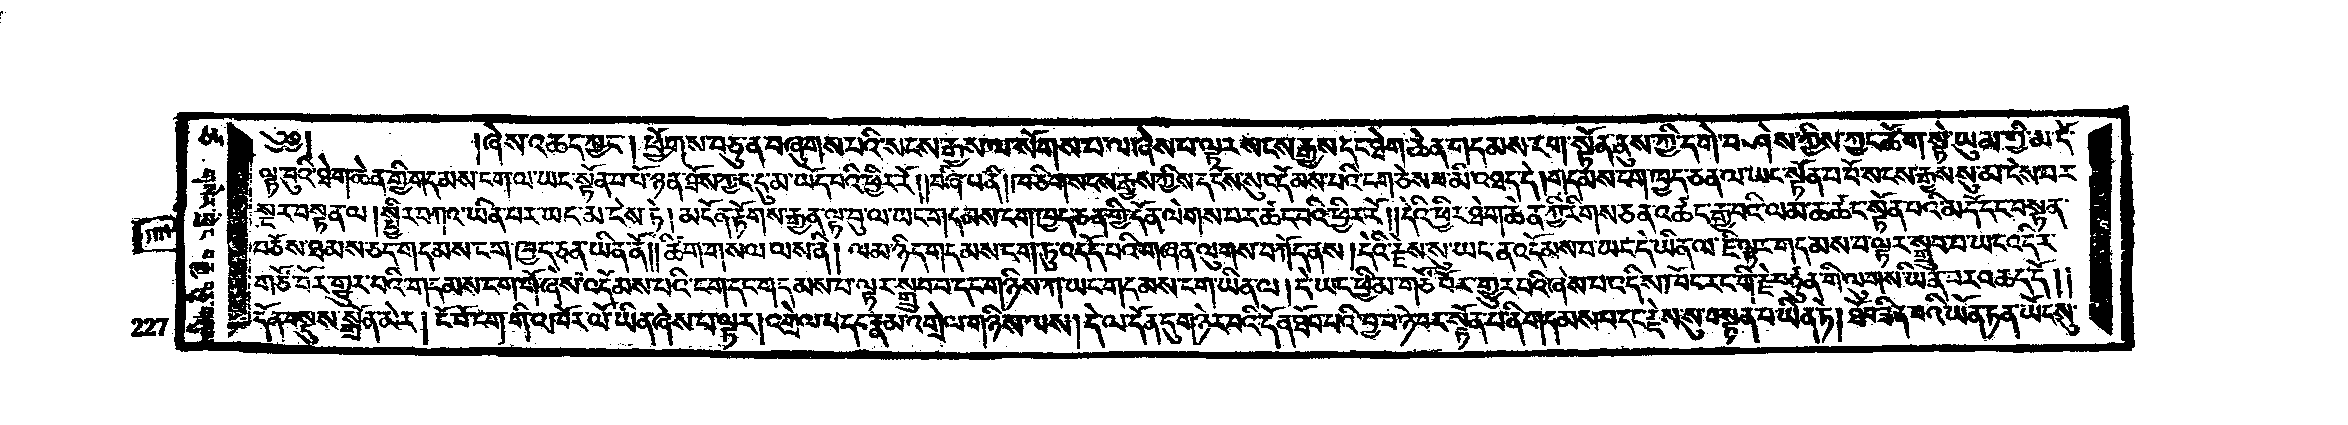༄༅། །ཞེས་འཆད་ཀྱང་། ཕྱོགས་བཅུ་ན་བཞུགས་པའི་སངས་རྒྱས་ལ་སོགས་པ་ལ་ཞེས་པ་ལྟར་སངས་རྒྱས་དང་ཐེག་ཆེན་གདམས་ངག་སྟོན་ནུས་ཀྱི་དགེ་བཤེས་ཀྱིས་ཀྱང་ཆོག་སྟེ་ཡུམ་གྱི་མདོ་
ལྟ་བུའི་ཐེག་ཆེན་གྱི་གདམས་ངག་ལ་ཡང་སྟོན་པ་པོ་ཉན་ཐོས་ཀྱང་དུ་མ་ཡོད་པའི་ཕྱིར་རོ། །བཞི་པ་ནི། ཁ་ཅིག་སངས་རྒྱས་ཀྱིས་དངོས་སུ་འདོམས་པའི་ངག་ཅེས་པ་མི་འཐད་དེ། གདམས་ངག་ཁྱད་ཅན་ལ་ཡང་སྟོན་པ་པོ་སངས་རྒྱས་སུ་མ་ངེས་པར་
སྔར་བསྟན་ལ། སྤྱིར་བཀའ་ཡིན་པར་ཡང་མ་ངེས་ཏེ། མངོན་རྟོགས་རྒྱན་ལྟ་བུ་ལ་ཡང་གདམས་ངག་ཁྱད་ཅན་གྱི་དོན་ལེགས་པར་ཚང་བའི་ཕྱིར་རོ། །དེའི་ཕྱིར་ཐེག་ཆེན་གྱི་རིགས་ཅན་འཚང་རྒྱ་བའི་ལམ་ཆ་ཚང་སྟོན་པའི་མདོ་དང་བསྟན་
བཅོས་ཐམས་ཅད་གདམས་ངག་ཁྱད་ཅན་ཡིན་ནོ། །ཚིག་གསལ་ལས་ནི། ལམ་ཉིད་གདམས་ངག་ཏུ་འདོད་པའི་གཞན་ལུགས་བཀོད་ནས། དེའི་རྗེས་སུ་ཡང་ན་འདོམས་པ་ཡང་དེ་ཡིན་ལ་ཇི་ལྟར་གདམས་པ་ལྟར་སྒྲུབ་པ་ཡང་འདིར་
གཙོ་བོར་གྱུར་པའི་གདམས་ངག་གོ་ཞེས་འདོམས་པའི་ངག་དང་གདམས་པ་ལྟར་སྒྲུབ་པ་དང་གཉིས་ཀ་ཡང་གདམས་ངག་ཡིན་ལ། དེ་ཡང་ཕྱི་མ་གཙོ་བོར་གྱུར་པའི་ཞེས་པ་འདིས་ཁོང་རང་གི་རྗེ་བཙུན་གྱི་ལུགས་ཡིན་པར་འཆད་དོ། །
དོན་བསྡུས་སྒྲོན་མེར། ངོ་བོ་ངག་གི་འཁོར་ལོ་ཡིན་ཞེས་པ་ལྟར། འགྲེལ་པ་དང་རྣམ་འགྲེལ་གཉིས་ལས། དེ་ལ་དོན་དུ་གཉེར་བའི་དོན་ཐོབ་པའི་བྱ་བ་ཉེ་བར་སྟོན་པ་ནི་གདམས་པ་རང་རྗེས་སུ་བསྟན་པ་ཡིན་ཏེ། ཐོབ་ཟིན་པའི་ཡོན་ཏན་ཡོངས་སུ་